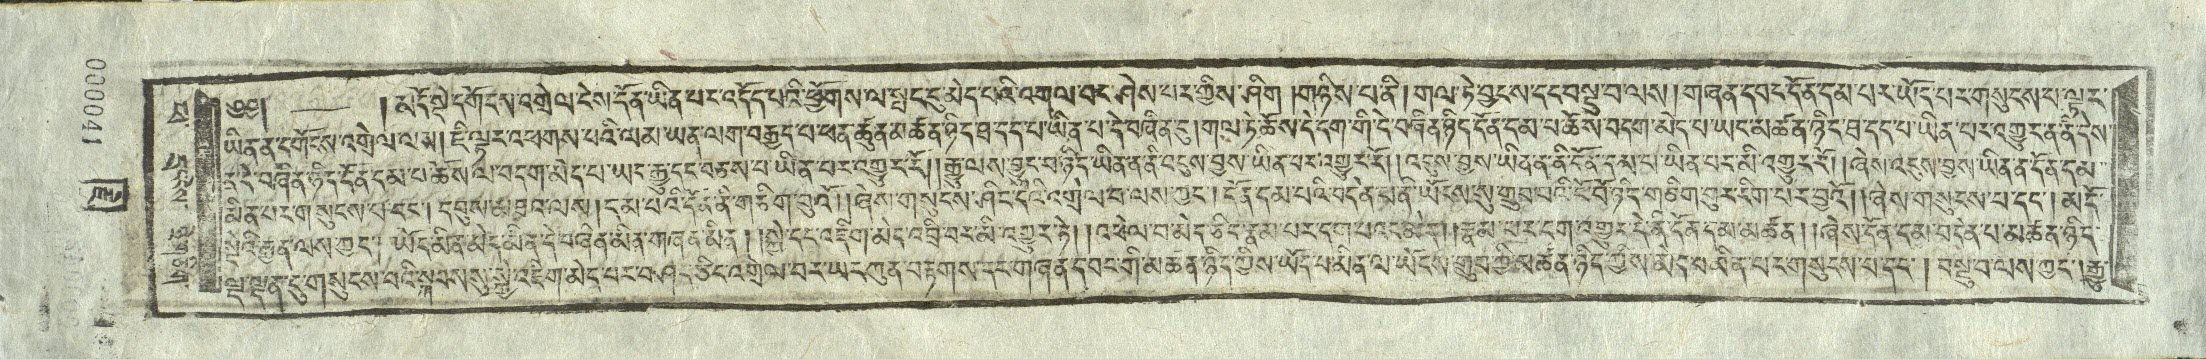༄༅། །མདོ་སྡེ་དགོངས་འགྲེལ་ངེས་དོན་ཡིན་པར་འདོད་པའི་ཕྱོགས་ལ་སྤང་དུ་མེད་པའི་འགལ་བར་ཤེས་པར་གྱིས་ཤིག །གཉིས་པ་ནི། གལ་ཏེ་བྱང་ས་དང་བསྡུ་བ་ལས། གཞན་དབང་དོན་དམ་པར་ཡོད་པར་གསུངས་པ་ལྟར་
ཡིན་ན་དགོངས་འགྲེལ་ལས། ཇི་ལྟར་འཕགས་པའི་ལམ་ཡན་ལག་བརྒྱད་པ་ཕན་ཚུན་མཚན་ཉིད་ཐ་དད་པ་ཡིན་པ་དེ་བཞིན་དུ། གལ་ཏེ་ཆོས་དེ་དག་གི་དེ་བཞིན་ཉིད་དོན་དམ་པ་ཆོས་བདག་མེད་པ་ཡང་མཚན་ཉིད་ཐ་དད་པ་ཡིན་པར་འགྱུར་ན་ནི་དེས་
ན་དེ་བཞིན་ཉིད་དོན་དམ་པ་ཆོས་ལ་བདག་མེད་པ་ཡང་རྒྱུ་དང་བཅས་པ་ཡིན་པར་འགྱུར་རོ། །རྒྱུ་ལས་བྱུང་བ་ཉིད་ཡིན་ན་ནི་འདུས་བྱས་ཡིན་པར་འགྱུར་རོ། །འདུས་བྱས་ཡིན་ན་ནི་དོན་དམ་པ་ཡིན་པར་མི་འགྱུར་རོ། །ཞེས་འདུས་བྱས་ཡིན་ན་དོན་དམ་
མིན་པར་གསུངས་པ་དང་། དབུས་མཐའ་ལས། དམ་པའི་དོན་ནི་གཅིག་པུའོ། །ཞེས་གསུངས་ཤིང་དེའི་འགྲེལ་པ་ལས་ཀྱང་། དོན་དམ་པའི་བདེན་པ་ནི་ཡོངས་སུ་གྲུབ་པའི་ངོ་བོ་ཉིད་གཅིག་པུར་རིག་པར་བྱའོ། །ཞེས་གསུངས་པ་དང་། མདོ་
སྡེའི་རྒྱན་ལས་ཀྱང་། ཡོད་མིན་མེད་མིན་དེ་བཞིན་མིན་གཞན་མིན། །སྐྱེ་དང་འཇིག་མེད་འབྲི་བར་མི་འགྱུར་ཏེ། །འཕེལ་བ་མེད་ཅིང་རྣམ་པར་དག་པའང་མེད། །རྣམ་པར་དག་འགྱུར་དེ་ནི་དོན་དམ་མཚན། །ཞེས་དོན་དམ་བདེན་པ་མཚན་ཉིད་
ལྔ་ལྡན་དུ་གསུངས་པའི་སྐབས་སུ་སྐྱེ་འཇིག་མེད་པར་བཤད་ཅིང་འགྲེལ་པར་ཡང་ཀུན་བརྟགས་དང་གཞན་དབང་གི་མཚན་ཉིད་ཀྱིས་ཡོད་པ་མིན་ལ་ཡོངས་གྲུབ་ཀྱི་མཚན་ཉིད་ཀྱིས་མེད་པ་མིན་པར་གསུངས་པ་དང་། བསྡུ་བ་ལས་ཀྱང་། རྒྱུ་